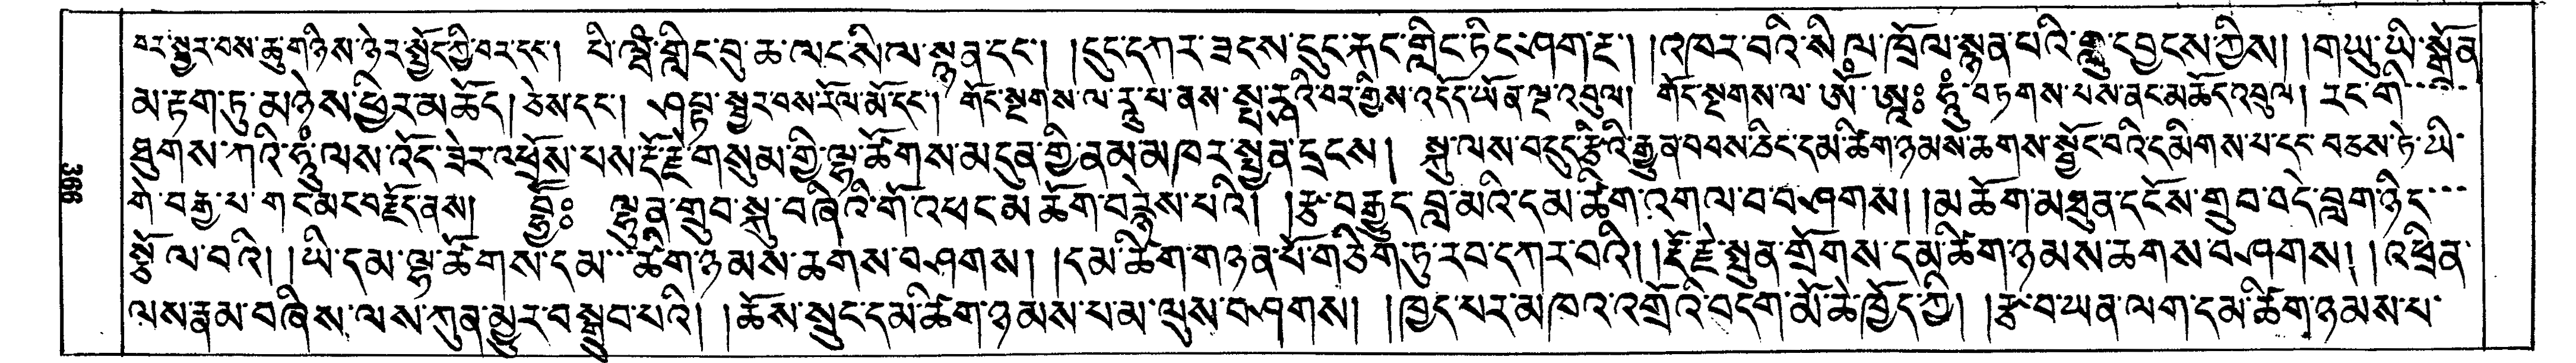བར་སྦྱར་བས་ཆུ་གཉིས་ཉེར་སྦྱོར་ཀྱི་བར་དང་། པི་ཝཾ་གླིང་བུ་ཆ་ལང་སིལ་སྙན་དང་། །དུད་དཀར་ཟངས་དུང་རྐང་གླིང་ཏིང་ཤག་རྔ། །འཁར་བའི་སིལ་ཁྲོལ་སྙན་པའི་གླུ་དབྱངས་ཀྱིས། །གཡུ་ཡི་སྒྲོན་
མ་རྟག་ཏུ་མཉེས་ཕྱིར་མཆོད། ཅེས་དང་། ཤཔྟ་སྦྱར་བས་རོལ་མོ་དང་། གོང་སྔགས་ལ་རཱུ་པ་ནས་སྤརྴའི་བར་གྱིས་འདོད་ཡོན་ལྔ་འབུལ། གོང་སྔགས་ལ་ཨོཾ་ཨཱཿ ཧཱུཾ་བཏགས་པས་ནང་མཆོད་འབུལ། །རང་གི་
ཐུགས་ཀའི་ཧཱུམ་ལས་འོད་ཟེར་འཕྲོས་པས་རྡོ་རྗེ་གསུམ་གྱི་ལྷ་ཚོགས་མདུན་གྱི་ནམ་མཁར་སྤྱན་དྲངས། སྐུ་ལས་བདུད་རྩིའི་རྒྱུན་བབས་ཅིང་དམ་ཚིག་ཉམས་ཆགས་སྦྱོང་བའི་དམིགས་པ་དང་བཅས་ཏེ་ཡི་
གེ་བརྒྱ་པ་གང་མང་བརྗོད་ནས། བྷྱཽཿ ལྷུན་གྲུབ་སྐུ་བཞིའི་གོ་འཕང་མཆོག་བརྙེས་པའི། །རྩ་བརྒྱུད་བླ་མའི་དམ་ཚིག་འགལ་བ་བཤགས། །མཆོག་མཐུན་དངོས་གྲུབ་བདེ་བླག་ཉིད་
སྩོལ་བའི། །ཡི་དམ་ལྷ་ཚོགས་དམ་ཚིག་ཉམས་ཆགས་བཤགས། །དམ་ཚིག་གཉན་པོ་གཅིག་ཏུ་རབ་དཀར་བའི། །རྡོ་རྗེ་སྤུན་གྲོགས་དམ་ཚིག་ཉམས་ཆགས་བཤགས། །འཕྲིན་
ལས་རྣམ་བཞིས་ལས་ཀུན་མྱུར་བསྒྲུབ་པའི། །ཆོས་སྲུང་དམ་ཚིག་ཉམས་པ་མ་ལུས་བཤགས། །ཁྱད་པར་མཁའ་འགྲོའི་བདག་མོ་ཆེ་ཁྱོད་ཀྱི། །རྩ་བ་ཡན་ལག་དམ་ཚིག་ཉམས་པ་